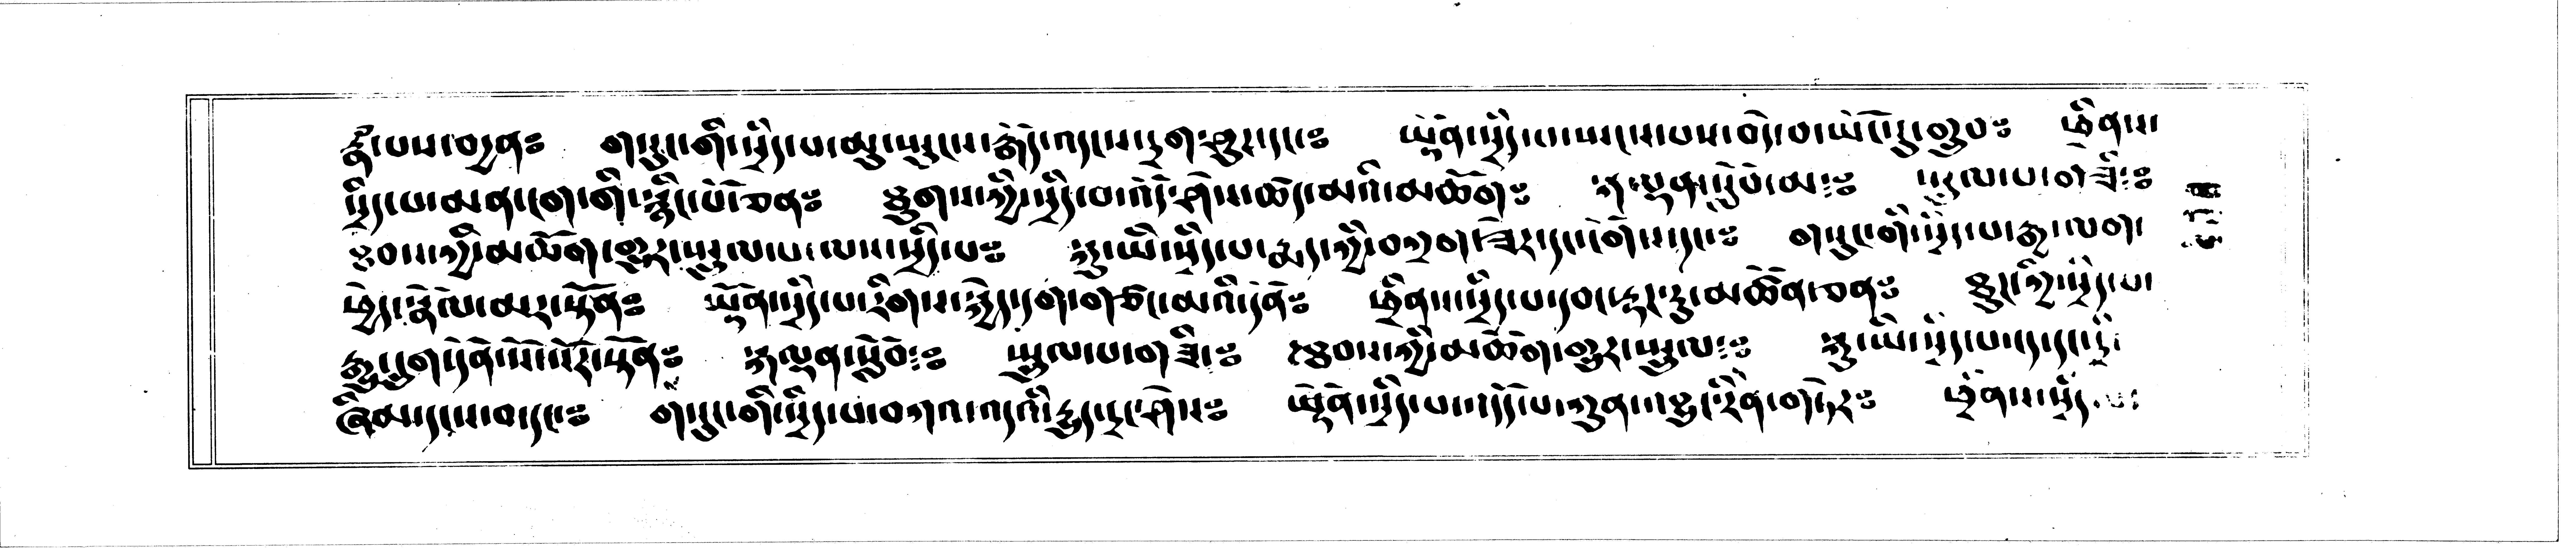རྣམས་རྒྱསཿ གསུང་གི་སྲིད་པ་མུ་སྤུངས་རྒོད་འདབ་དྲག་ཤུགསཿ ཡོན་ཏན་སྲིད་པ་སྤངས་པས་བདེ་བ་ཡོངས་སུ་གྲུབཿ ཕྲིན་ལས་
སྲིད་པ་མན་ངག་གི་སྙིང་པོ་ཅནཿ ཐུགས་ཀྱི་སྲིད་པ་འོད་དང་ཤེས་ཚད་མའི་མཆོགཿ སྐལ་ལྡན་སློབ་མ་རྣམས་ལ་དབང་བསྐུར་བསཿ སྤྲུལ་པ་གཟི་བརྗིད་འགྲོ་འདྲེན་དབང་ཐོབ་ཤོགཿ 
ཐབས་ཀྱི་མཆོག་གྱུར་སྤྲུལ་པ་ལས་སྲིད་པའིཿ སྐུ་ཡི་སྲིད་པ་རྨད་ཀྱི་བཀྲག་ཟེར་དང་ངོགས་དངཿ གསུང་གི་སྲིད་པ་རྒྱ་ལག་
ཕྱེད་བསྣོལ་མར་སྟོན་དངཿ ཡོན་ཏན་སྲིད་པ་རིག་སྐྱེད་དག་གཙང་མ་དོན་དངཿ ཕྲིན་ལས་སྲིད་པ་དབང་རྟགས་རུ་མཚོན་ཅནཿ ཐུགས་ཀྱི་སྲིད་པ་
རྒྱུ་དྲུག་དོན་སོ་སོར་སྟོནཿ སྐལ་ལྡན་སློབ་མ་རྣམས་ལ་དབང་བསྐུར་བསཿ སྤྲུལ་པ་གཟི་བརྗིད་འགྲོ་འདྲེན་དབང་ཐོབ་ཤོགཿ ཐབས་ཀྱི་མཆོག་གྱུར་སྤྲུལ་པ་ལས་སྲིད་པའིཿ སྐུ་ཡི་སྲིད་པ་ངད་དང་དྲི་
ཞིམ་དང་པ་དངཿ གསུང་གི་སྲིད་པཿ བཀའ་འདའི་རྒྱུད་དྲང་ཤེསཿ ཡོན་ཏན་སྲིད་པ་འདོད་པ་ཀུན་འབྱུང་རིན་ཆེན་གྱི་གཏེརཿ ཕྲིན་ལས་སྲིད་པ་